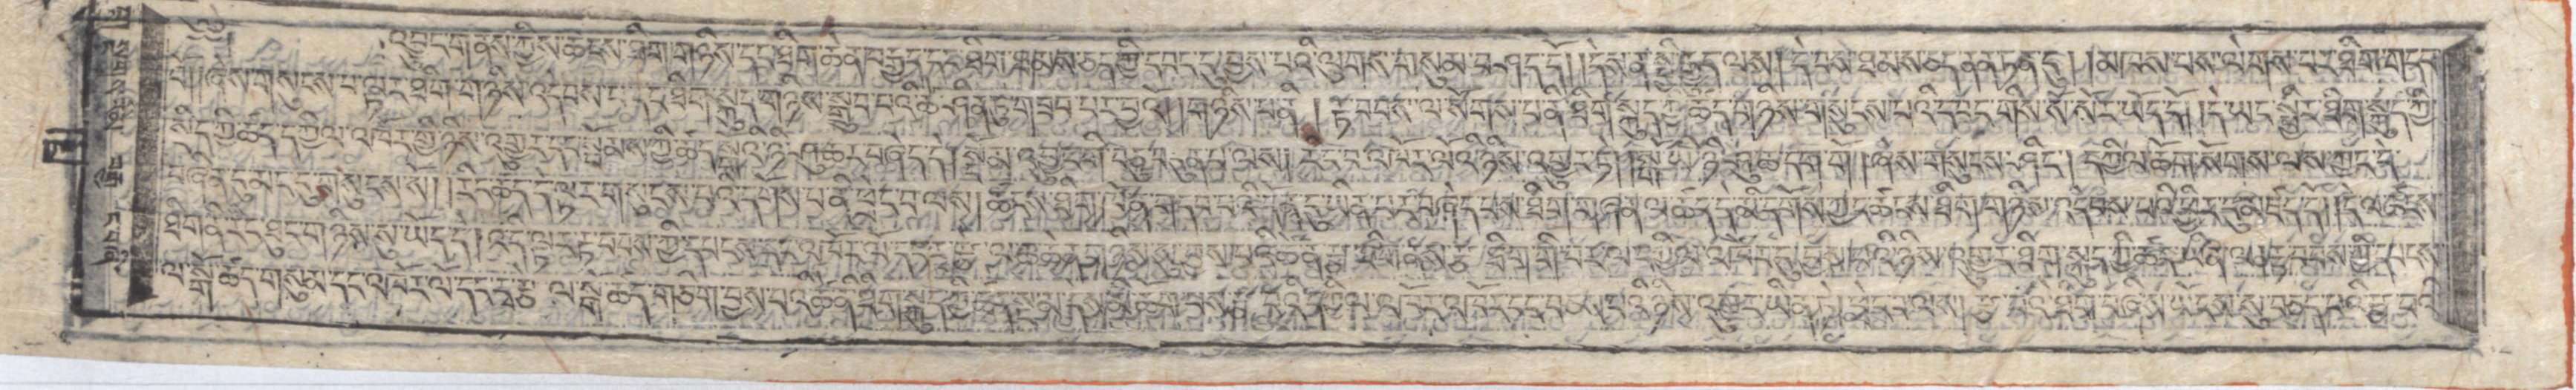༄༅། །འབྱུང་གནས་ཀྱིས་ཚངས་ཐིག་གཉིས་དང་ཐིག་ཆེན་བརྒྱད་དང་ཐིག་ཐམས་ཅད་ཀྱི་དབང་དུ་བྱས་པའི་ལུགས་གསུམ་བཤད་དོ། །དེས་ན་སྤྱི་རྒྱུད་ལས། དེ་བས་ཐམས་ཅད་ནན་ཏན་དུ། །མཁས་པས་ལེགས་པར་ཐིག་གདབ་
བོ། །ཞེས་གསུངས་པ་ལྟར་ཐིག་གཉིས་འདེབས་པ་དང་ཐིག་སྐུད་གཉིས་སྒྲུབ་པའི་ཚེ་ཤིན་ཏུ་གཟབ་པར་བྱའོ། །གཉིས་པ་ནི། རྟ་བབས་ལ་སོགས་པ་ནི་ཐིག་སྐུད་ཀྱི་ཚད་གཉིས་གསུངས་པའི་དབང་གིས་སོ་སོར་ཡོད་དོ། །དེ་ཡང་སྤྱིར་ཐིག་སྐུད་ཀྱི་
སྲིད་ཀྱི་ཚད་དཀྱིལ་འཁོར་གྱི་ཉིས་འགྱུར་དང་སྦོམས་ཀྱི་ཚད་སྒོའི་ཉི་ཤུ་ཆར་བཞེད་དེ། སྡོམ་འབྱུང་གི་བཅུ་བདུན་པ་ལས། རིང་བ་འཁོར་ལོའི་ཉིས་འགྱུར་ཏེ། །སྒོ་ཡི་ཉི་ཤུ་ཆ་དག་གོ །ཞེས་གསུངས་ཤིང་། དཀྱིལ་ཆོག་སོགས་ལས་ཀྱང་དེ་
བཞིན་དུ་མང་དུ་གསུངས་སོ། །རིང་ཚད་དེ་ལྟར་གསུངས་པའི་དགོས་པ་ནི་ཕྲེང་བ་ལས། ཚངས་ཐིག་ཁོ་ན་གདབ་པའི་དོན་དུ་ཡིན་པར་བཞེད་པས་ཐིག་གཞན་ལ་ཚད་དེ་མི་དགོས་ཀྱང་ཚངས་ཐིག་གཉིས་འདེབས་པའི་ཕྱིར་དུ་མཛད་དོ། །དེ་ལ་ཚངས་
ཐིག་ནི་རིང་ཐུང་གཉིས་སུ་ཡོད་དེ། འདི་ལྟར་རྟ་བབས་ཀྱི་དཔངས་དང་འཁོར་ལོ་དང་རྭ་རྩེ་ལ་ཆ་ཆེན་གཉིས་སུ་བྱས་པའི་ཚེ་ན་རྩ་ཐིག་ནས་རྩ་ཐིག་གི་བར་ལ་དཀྱིལ་འཁོར་དུ་བྱས་པའི་ཉིས་འགྱུར་ཐིག་སྐུད་ཀྱི་ཚད་ཡིན་ལ། རྟ་བབས་ཀྱི་དཔངས་
ལ་སྒོ་ཚད་གསུམ་དང་འཁོར་ལོ་དང་རྭ་རྩེ་ལ་སྒོ་ཚད་གཅིག་བྱས་པའི་ཚེ་ནི་ཐིག་སྐུད་ཀྱི་ཚད་སྔ་མ་དེས་མི་ཆོག་པས་རྩ་བའི་དཀྱིལ་འཁོར་འཁོར་དང་བཅས་པའི་ཉིས་འགྱུར་ཡིན་ཏེ། ཕྲེང་བ་ལས། རྩ་བའི་ཐིག་བཞིས་ཡོངས་སུ་བཅད་པའི་རྩ་བའི་